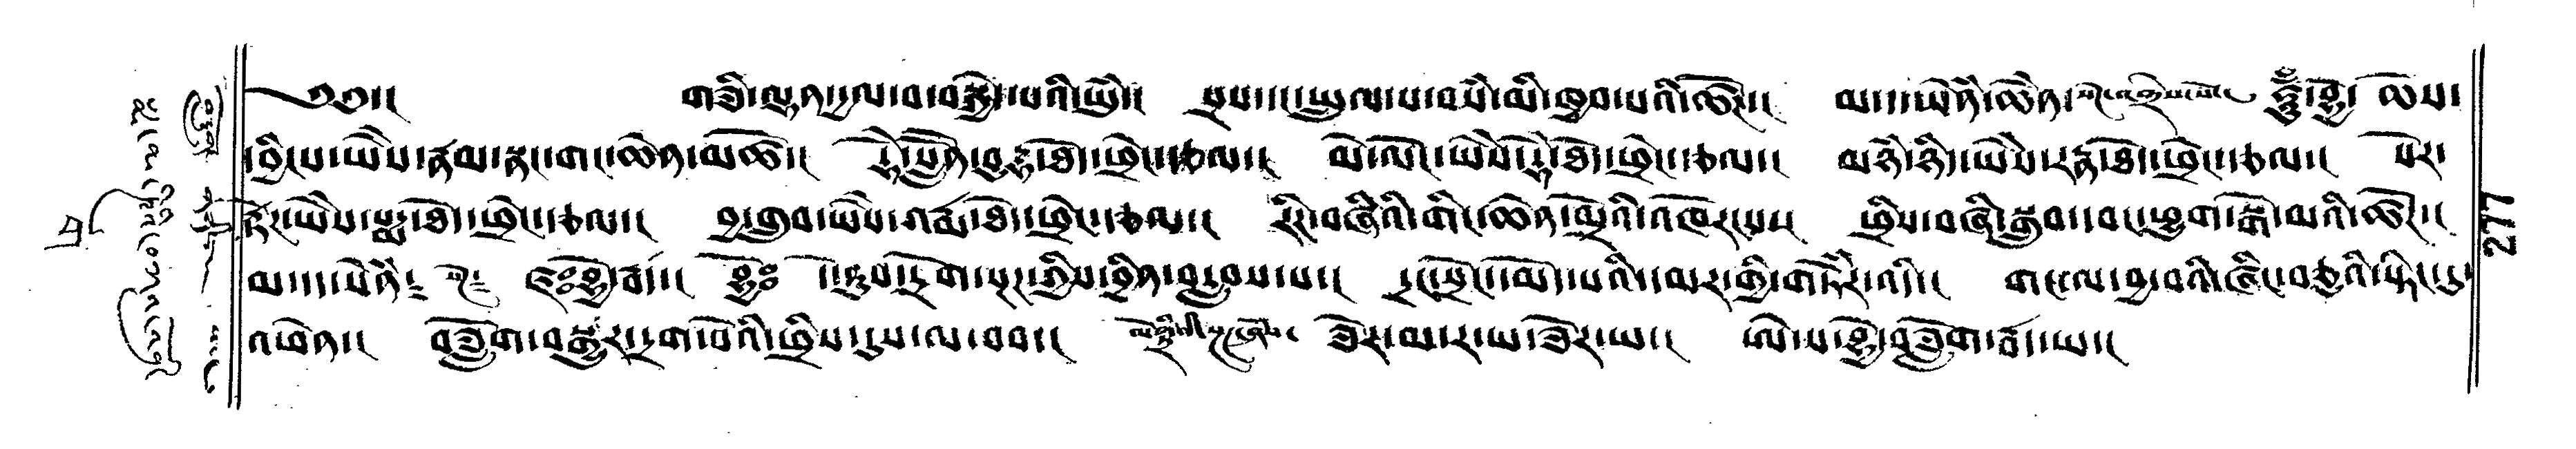གཟི་ལྡན་རྒྱལ་བ་བསྐྱེད་པའི་ཡུམ། །སྲས་དང་སྤྲུལ་པ་བསམ་མི་ཁྱབ་པའི་ཚོགས། །མ་དད་སེམས་ཅན་ཆེན་པོ༴ སོགས་འགྲེས་སོ། ཧཱུྃ་བྷྱོཿ ཆོས་
དབྱིངས་ཡེ་ཤེས་རྣམ་སྣང་གང་ཆེན་མཚོ། །རྡོ་རྗེ་སློབ་དཔོན་བུདྡྷ་ཐོད་ཕྲེང་རྩལ། །མེ་ལོང་ཡེཤེས་རྡོ་རྗེ་ཐོད་ཕྲེང་རྩལ། །མཉམ་ཉིད་ཡེ་ཤེས་རཏྣ་ཐོད་ཕྲེང་རྩལ། །སོར་
རྟོགས་ཡེ་ཤེས་པདྨ་ཐོད་ཕྲེང་རྩལ། །བྱ་གྲུབ་ཡེ་ཤེས་ཀརྨ་ཐོད་ཕྲེང་རྩལ། །རིགས་བཞིའི་གིང་ཆེན་མཁའ་འགྲོའི་འཁོར་དང་བཅས། །ཕྲིན་ལས་བཞི་སྒྲུབ་དབང་ཕྱུག་སྒོ་མའི་ཚོགས། །
མ་དད་སེམས་ཅན་བསྒྲལ་བྱས་ནས། ། སོགས། ། ཛ་བྷྱོ་རྦད། བྷྱོཿ དོ་ནུབ་དྲག་པོ་སྔགས་ཀྱིས་བྱིན་བརླབས་པ། །དྲང་སྲོང་དམོད་པའི་དམར་གྱི་གཏོར་མ་འདི། །གང་ལ་བྱ་བའི་ཞིང་བཅུའི་སྟེང་དུ་
འཕེན། །བཟློག་བསྒྱུར་དྲག་པོའི་ཕྲིན་ལས་དུས་ལ་བབ། ལོཀྟྲིའི་སྔགས་གཤམས། །ཟོར་མ་ར་ཡ་ཟོར་ཡ། ཨེ་ས་བྷྱོ་བཟློག་རྦད་ཡ། དགེའོ།།